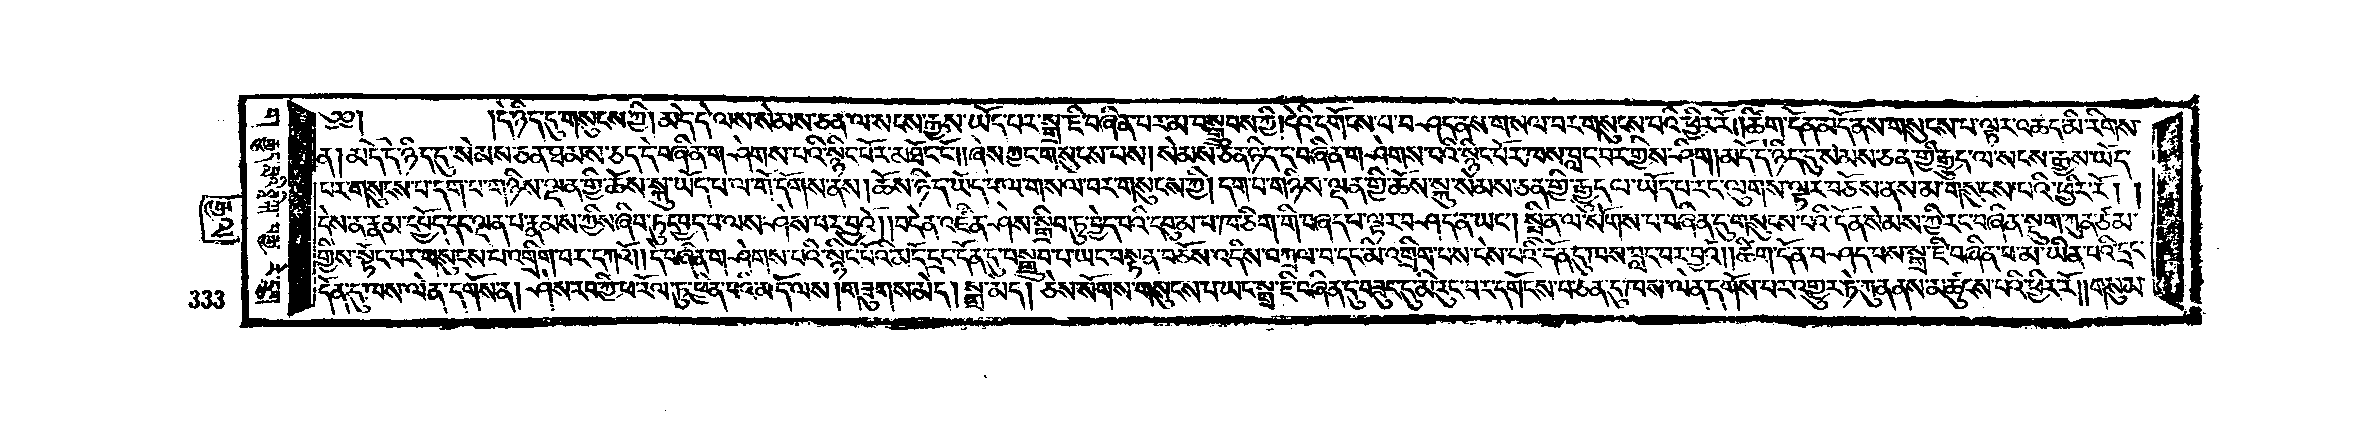༄༅། །དེ་ཉིད་དུ་གསུངས་ཀྱི། མེད་དེ་ལས་སེམས་ཅན་ལ་སངས་རྒྱས་ཡོད་པར་སྒྲ་ཇི་བཞིན་པར་མ་བསྒྲུབས་ཀྱི། དེའི་དགོངས་པ་བཤད་ནས་གསལ་བར་གསུངས་པའི་ཕྱིར་རོ། །ཚིག་དོན་མདོ་ནས་གསུངས་པ་ལྟར་འཆད་མི་རིགས་
ན༑ མདོ་དེ་ཉིད་དུ་སེམས་ཅན་ཐམས་ཅད་དེ་བཞིན་གཤེགས་པའི་སྙིང་པོར་མཐོང་ངོ། །ཞེས་ཀྱང་གསུངས་པས། སེམས་ཅན་ཉིད་དེ་བཞིན་གཤེགས་པའི་སྙིང་པོར་ཁས་བླང་བར་གྱིས་ཤིག །མདོ་དེ་ཉིད་དུ་སེམས་ཅན་གྱི་རྒྱུད་ལ་སངས་རྒྱས་ཡོད་
པར་གསུངས་པ་དག་པ་གཉིས་ལྡན་གྱི་ཆོས་སྐུ་ཡོད་པ་ལ་གོ་དོགས་ནས། ཆོས་ཉིད་ཡོད་པ་ལ་གསལ་བར་གསུངས་ཀྱི། དག་པ་གཉིས་ལྡན་གྱི་ཆོས་སྐུ་སེམས་ཅན་གྱི་རྒྱུད་ལ་ཡོད་པ་རང་ལུགས་ལྟར་བཅོས་ནས་མ་གསུངས་པའི་ཕྱིར་རོ། །
དེས་ན་རྣམ་དཔྱོད་དང་ལྡན་པ་རྣམས་ཀྱིས་ཞིབ་ཏུ་དཔྱད་པ་ལས་ཤེས་པར་བྱའོ། །བདེན་འཛིན་ཤེས་སྒྲིབ་ཏུ་བྱེད་པའི་དབུ་མ་པ་ཁ་ཅིག་གི་བཞད་པ་ལྟར་བཤད་ན་ཡང་། སྤྲིན་ལ་སོགས་པ་བཞིན་དུ་གསུངས་པའི་དོན་སེམས་ཀྱི་རང་བཞིན་སྡུག་ཀུན་ཙམ་
གྱིས་སྟོང་པར་གསུངས་པ་འགྲིག་པར་དཀའོ། །དེ་བཞིན་གཤེགས་པའི་སྙིང་པོའི་མདོ་དྲང་དོན་དུ་བསྒྲུབ་པ་ཡང་བསྟན་བཅོས་འདིས་བཀྲལ་བ་དང་མི་འགྲིག་པས་ངེས་པའི་དོན་དུ་ཁས་བླང་བར་བྱའོ། །ཚིག་དོན་བཤད་པས་སྒྲ་ཇི་བཞིན་པ་མ་ཡིན་པའི་དྲང་
དོན་དུ་ཁས་ལེན་དགོས་ན། ཤེས་རབ་ཀྱི་ཕ་རོལ་ཏུ་ཕྱིན་པའི་མདོ་ལས། གཟུགས་མེད། སྒྲ་མེད། ཅེས་སོགས་གསུངས་པ་ཡང་སྒྲ་ཇི་བཞིན་དུ་བཟུང་དུ་མི་རུང་བར་དགོངས་པ་ཅན་དུ་ཁས་ལེན་དགོས་པར་འགྱུར་ཏེ་ཀུན་ནས་མཚུངས་པའི་ཕྱིར་རོ། །གསུམ་